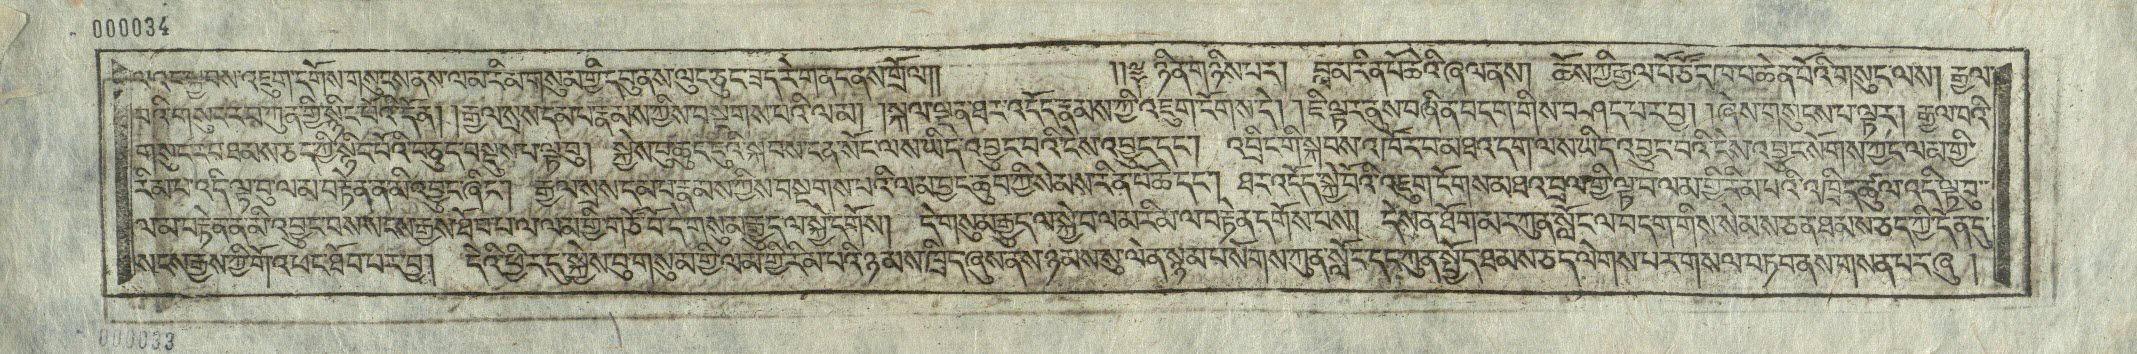ལའང་སྐྱབས་འཇུག་དགོས་གསུངས་ནས་ལམ་རིམ་གསུམ་གྱི་དབུ་ནས་ལུང་ཅུང་ཟད་རེ་གནང་ནས་གྲོལ།། །།༈ ཉིན་གཉིས་པར། བླ་མ་རིན་པོ་ཆེའི་ཞལ་ནས། ཆོས་ཀྱི་རྒྱལ་པོ་ཙོང་ཁ་པ་ཆེན་པོའི་གསུང་ལས། རྒྱལ་
བའི་གསུང་རབ་ཀུན་གྱི་སྙིང་པོའི་དོན། །རྒྱལ་སྲས་དམ་པ་རྣམས་ཀྱིས་བསྔགས་པའི་ལམ། །སྐལ་ལྡན་ཐར་འདོད་རྣམས་ཀྱི་འཇུག་ངོགས་དེ། །ཇི་ལྟར་ནུས་བཞིན་བདག་གིས་བཤད་པར་བྱ། །ཞེས་གསུངས་པ་ལྟར། རྒྱལ་བའི་
གསུང་རབ་ཐམས་ཅད་ཀྱི་སྙིང་པོའི་བཅུད་བསྡུས་པ་ལྟ་བུ། སྐྱེས་བུ་ཆུང་ངུའི་སྐབས་ངན་སོང་ལས་ཡིད་འབྱུང་བའི་ངེས་འབྱུང་དང་། འབྲིང་གི་སྐབས་འཁོར་བ་མཐའ་དག་ལས་ཡིད་འབྱུང་བའི་ངེས་འབྱུང་སོགས་ཀྱང་ལམ་གྱི་
རིམ་པ་འདི་ལྟ་བུ་ལམ་བརྟེན་ན་མི་འབྱུང་ཞིང་། རྒྱལ་སྲས་དམ་པ་རྣམས་ཀྱིས་བསྔགས་པའི་ལམ་བྱང་ཆུབ་ཀྱི་སེམས་རིན་པོ་ཆེ་དང་། ཐར་འདོད་སྐྱེ་བོའི་འཇུག་ངོགས་མཐའ་བྲལ་གྱི་ལྟ་བ་ལམ་གྱི་རིམ་པའི་འཁྲིད་ཚུལ་འདི་ལྟ་བུ་
ལ་?་མ་བརྟེན་ན་མི་འབྱུང་བས་སངས་རྒྱས་ཐོབ་པ་ལ་ལམ་གྱི་གཙོ་བོ་དེ་གསུམ་རྒྱུད་ལ་སྐྱེ་དགོས། དེ་གསུམ་རྒྱུད་ལ་སྐྱེ་བ་ལམ་རིམ་ལ་བརྟེན་དགོས་པས། དེས་ན་ཐོག་མར་ཀུན་སློང་ལ་བདག་གིས་སེམས་ཅན་ཐམས་ཅད་ཀྱི་དོན་དུ་
སངས་རྒྱས་ཀྱི་གོ་འཕང་ཐོབ་པར་བྱ། དེའི་ཕྱིར་དུ་སྐྱེས་བུ་གསུམ་གྱི་ལམ་གྱི་རིམ་པའི་ཉམས་ཁྲིད་ཞུས་ནས་ཉམས་སུ་ལེན་སྙམ་པ་སོགས་ཀུན་སློང་དང་ཀུན་སྤྱོད་ཐམས་ཅད་ལེགས་པར་གསལ་བཏབ་ནས་གསན་པར་ཞུ་།